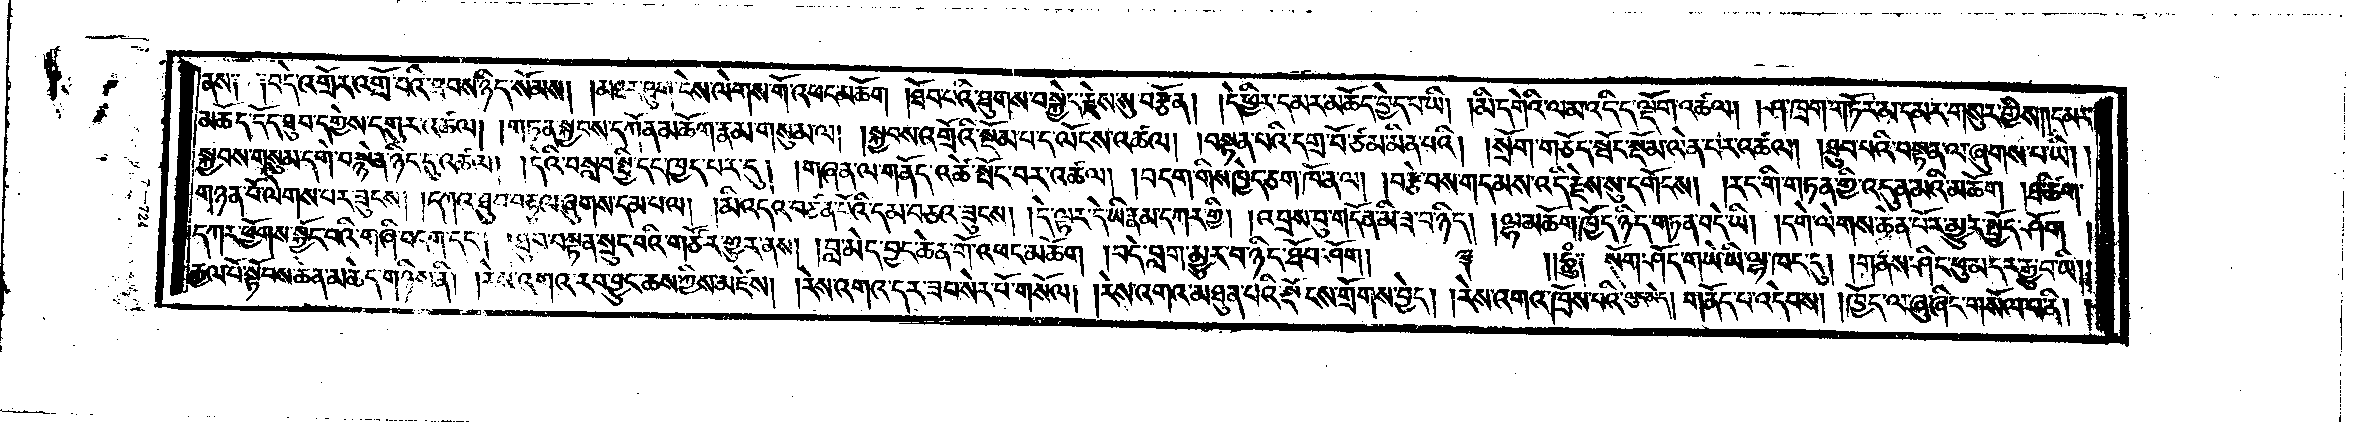ནས༑ ༑བདེ་འགྲོར་འགྲོ་བའི་ཐབས་ཉིད་སོམས། །མཐར་ཐུག་ངེས་ལེགས་གོ་འཕང་མཆོག །ཐོབ་པའི་ཐུགས་བསྐྱེད་རྗེས་སུ་བརྩོན། །དེ་ཕྱིར་དམར་མཆོད་བྱེད་པ་ཡི། །མི་དགེའི་ལམ་འདི་ད་ལྡོག་འཚལ། །ཤ་ཁྲག་གཏར་མ་དམར་གསུར་གྱིས། །དམར་
མཆོད་དོད་ཐུབ་དགྱེས་དགུར་འཚལ། །གཏན་སྐྱབས་དཀོན་མཆོག་རྣམ་གསུམ་ལ། །སྐྱབས་འགྲོའི་སྡོམ་པ་ད་ལོངས་འཚལ། །བསྟན་པའི་དགྲ་བོ་ཙམ་མིན་པའི། །སྲོག་གཅོད་སྤོང་སྡོམ་ལེན་པར་འཚལ། །ཐུབ་པའི་བསྟན་ལ་ཞུགས་པ་ཡི། །
སྐྱབས་གསུམ་དགེ་བསྙེན་ཉིད་དུ་འཚལ། །དེའི་བསླབ་སྤྱི་དང་ཁྱད་པར་དུ། །གཞན་ལ་གནོད་འཚེ་སྤོང་བར་འཚལ། །བདག་གིས་ཁྱེད་ཅག་ཁོ་ན་ལ། །བརྩེ་བས་གདམས་འདི་རྗེས་སུ་དགོངས། །རང་གི་གཏན་གྱི་འདུན་མའི་མཆོག །ཐ་ཚིག་
གཉན་པོ་ལེགས་པར་ཟུབས། །དཀའ་ཐུབ་བརྟུལ་ཞུགས་དམ་པ་ལ། །མི་འདའ་བཙན་པོའི་དམ་བཅའ་ཟུངས། །དེ་ལྟར་དེ་ཡི་རྣམ་དཀར་གྱི། །འབྲས་བུ་གདོན་མི་ཟ་བ་ཉིད། །ལྷ་མཆོག་ཁྱོད་ཉིད་གཏན་བདེ་ཡི། །དགེ་ལེགས་ཆེན་པོར་མྱུར་སྤྱོད་ཤོག །
དཀར་ཕྱོགས་སྐྱོང་བའི་གཞི་བདག་དང་། །ཐུབ་བསྟན་སྲུང་བའི་གཙོར་གྱུར་ནས། །བླ་མེད་བྱང་ཆེན་གོ་འཕང་མཆོག །བདེ་བླག་མྱུར་བ་ཉིད་ཐོབ་ཤོག ། ༈ །ཧཱུཾ༑ སོག་ཤོད་གཡེ་ཡི་ལྷ་ཁང་དུ། །གནས་ཤིང་ཕུ་མདར་རྒྱུ་བ་ཡི།།
རྒྱལ་པོ་སྟོབས་ཆེན་མཆེད་གཉིས་ནི། །རེས་འགའ་རབ་བྱུང་ཆས་ཀྱིས་མཛེས། །རེས་འགའ་དར་ཟབ་སེར་བོ་གསོལ། །རེས་འགའ་མཐུན་པའི་གདོང་གྲོགས་བྱེད། །རེས་འགའ་ཁྲོས་པའི་ལུང་མེད། །གནོད་པ་འདེབས། །ཁྱོད་ལ་ཞུ་ཞིང་གསོལ་བ་ནི། །